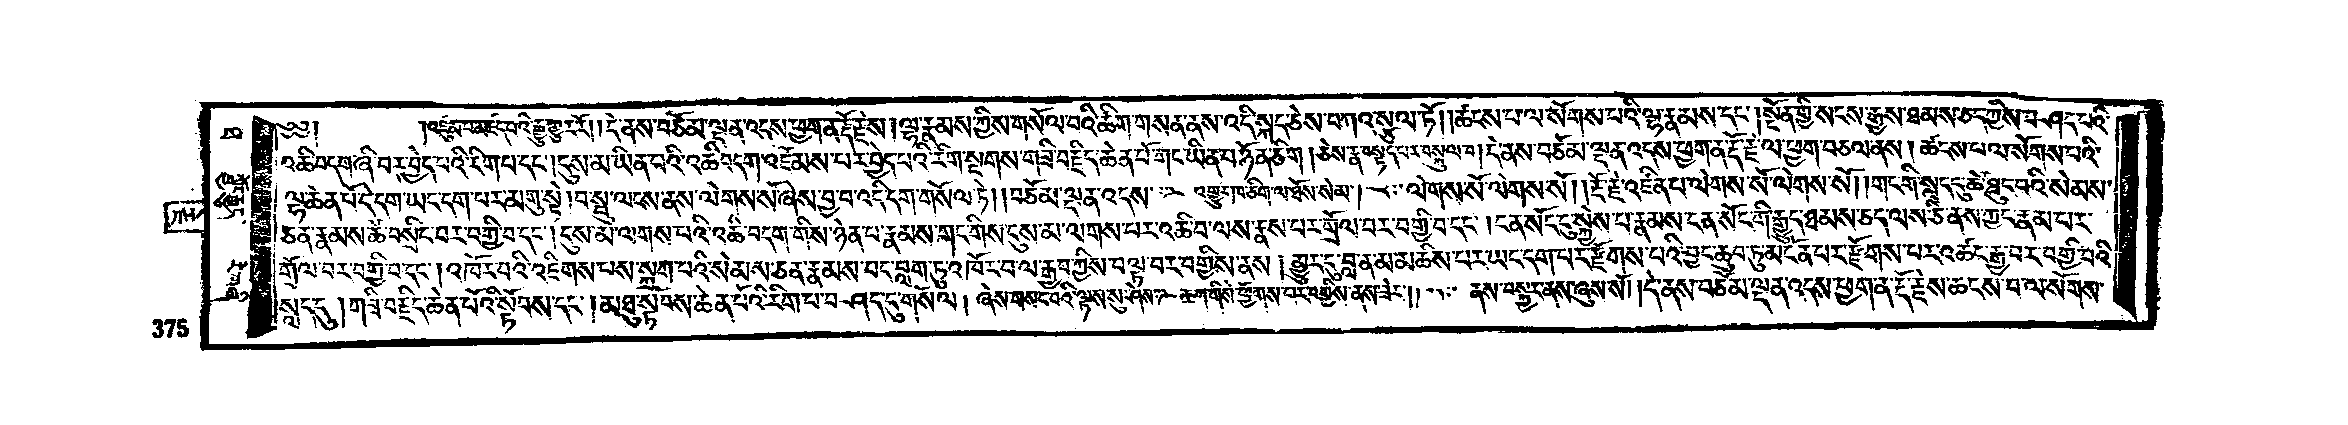༄༅། །འཛུམ་པ་མཛད་པའི་རྒྱུ་འགྱུར་རོ། །དེ་ནས་བཅོམ་ལྡན་འདས་ཕྱག་ན་རྡོ་རྗེས། ལྷ་རྣམས་ཀྱིས་གསོལ་བའི་ཚིག་གསན་ནས་འདི་སྐད་ཅེས་བཀའ་སྩལ་ཏོ། །ཚངས་པ་ལ་སོགས་པའི་ལྷ་རྣམས་དང་། སྔོན་གྱི་སངས་རྒྱས་ཐམས་ཅད་ཀྱིས་བཤད་པའི་
འཆི་བདག་ཞི་བར་བྱད་པའི་རིག་པ་དང་། དུས་མ་ཡིན་པའི་འཆི་བདག་འཇོམས་པར་བྱེད་པའི་རིག་སྔགས་གཟི་བརྗིད་ཆེན་པོ་གང་ཡིན་པ་ཉོན་ཅིག ། ཅེས་རྣ་བསྟད་པར་བསྐུལ་བ། དེ་ནས་བཅོམ་ལྡན་འདས་ཕྱག་ན་རྡོ་རྗེ་ལ་ཕྱག་བཙལ་ནས། ཚངས་པ་ལ་སོགས་པའི་
ལྷ་ཆེན་པོ་དེ་དག་ཡང་དག་པར་མགུ་སྟེ། བ་སྤུ་ལངས་ནས་ལེགས་སོ་ཞེས་བྱ་བ་འདི་དག་གསོལ་ཏོ། །བཅོམ་ལྡན་འདས་འགྱུར་ཁ་ཅིག་ལ་ཐོས་སེམས། ལེགས་སོ་ལེགས་སོ། །རྡོ་རྗེ་འཛིན་པ་ལེགས་སོ་ལེགས་སོ། །གང་གི་སླད་དུ་ཚེ་ཐུང་བའི་སེམས་
ཅན་རྣམས་ཚེ་བསྲིང་བར་བགྱི་བ་དང་། དུས་མ་ལགས་པའི་འཆི་བདག་གིས་ཉེན་པ་རྣམས་གང་གིས་དུས་མ་ལགས་པར་འཆི་བ་ལས་རྣས་པར་གྲོལ་བར་བགྱི་བ་དང་། ངན་སོང་དུ་སྐྱེས་པ་རྣམས་ངན་སོང་གི་རྒྱུད་ཐམས་ཅད་ལས་ཅི་ནས་ཀྱང་རྣམ་པར་
གྲོལ་བར་བགྱི་བ་དང་། འཁོར་བའི་འཇིགས་པས་སྐྲག་པའི་སེམས་ཅན་རྣམས་བདེ་བླག་ཏུ་འཁོར་བ་ལ་རྒྱབ་ཀྱིས་བལྟ་བར་བགྱིས་ནས། མྱུར་དུ་བླ་ན་མ་མཆིས་པར་ཡང་དག་པར་རྫོགས་པའི་བྱང་ཆུབ་ཏུ་མངོན་པར་རྫོགས་པར་འཚང་རྒྱ་བར་བགྱི་བའི་
སླད་དུ། གཟི་བརྗིད་ཆེན་པོའི་སྟོབས་དང་། མཐུ་སྟོབས་ཆེན་པོའི་རིག་པ་བཤད་དུ་གསོལ། ཞེས་གསང་བའི་ལྟས་སུ་ཤེས་ཆག་གིས་ཕྱོགས་པར་བགྱིས་ནས་ཟེར། །ནས་བསྐྱར་ནས་ཞུས་སོ། །དེ་ནས་བཅོམ་ལྡན་འདས་ཕྱག་ན་རྡོ་རྗེས་ཆངས་བ་ལ་སོགས་